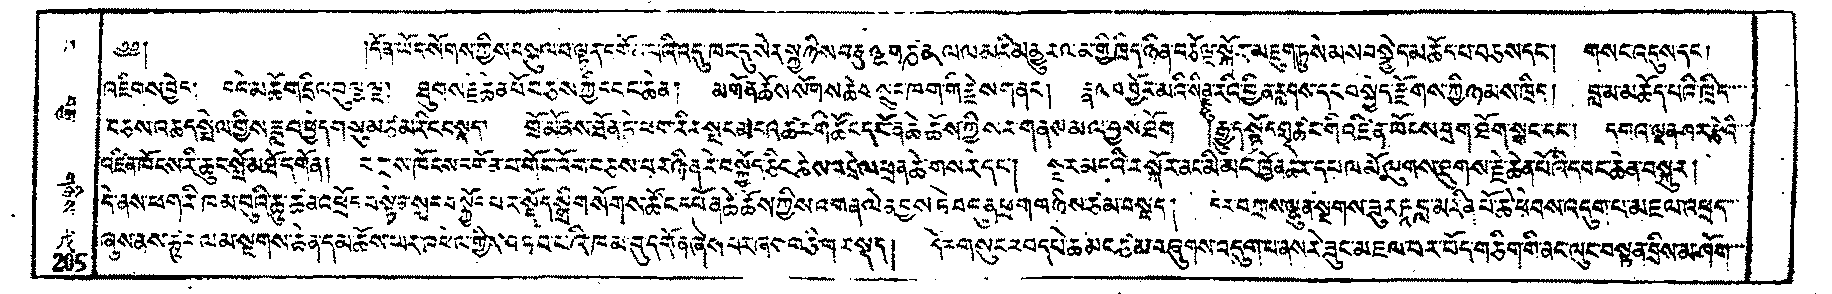༄༅། །དོན་ཡོད་སོགས་ཀྱིས་བསྐུལ་བ་ལྟར་དགོན་པའི་འདུ་ཁང་དུ་སེར་སྐྱ་ཉིས་བརྒྱ་ལྷག་ཙན་ལ་ལམ་རིམ་མྱུར་ལམ་གྱི་ཁྲིད་ཉིན་བཅོ་ལྔ་སྐོར་མཇུག་ཏུ་སེམས་བསྐྱེད་མཆོད་པ་བཅས་དང་། གསང་འདུས་དང་།
འཇིགས་བྱེད། བདེ་མཆོག་དྲིལ་བུ་ལྷ་ལྔ། ཐུགས་རྗེ་ཆེན་པོ་བཅས་ཀྱི་དབང་ཆེན། མགོན་ཆོས་སོགས་ཆེ་བསྲུང་ཁག་གི་རྗེས་གནང་། རྣལ་འབྱོར་མའི་སིནྡྷུ་རའི་བྱིན་རླབས་དང་བསྐྱེད་རྫོགས་ཀྱི་ཉམས་ཁྲིད། བླ་མ་མཆོད་པའི་ཁྲིད་
བཅས་འཆད་སྤེལ་གྱིས་ཟླ་བ་ཕྱེད་གསུམ་ཙམ་རིང་བསྡད། གྲོ་མོ་ནས་ཐོན་ཏེ་ཕག་རིར་སྤང་མངའ་ཚར་གི་ཚོང་དཔོན་ཆེ་ཆོས་ཀྱི་སར་གནས་མལ་བྱས་ཐོག །རྒྱུད་སྟོང་གྲྭ་ཚང་གི་འཛིན་ཁོངས་བྲག་ཐོག་སྒང་དང་། དགའ་ལྡན་ཤར་རྩེའི་
འཛིན་ཁོངས་རི་ཆུང་སྤོ་མཐོ་དགོན། བཀྲས་ཁོངས་དགོན་པ་གོང་འོག་བཅས་པར་ཉིན་རེ་བསྐྱོད་ཅིང་ཆེས་འདྲེལ་ཕྲན་ཆེ་གསར་དང་། སྔར་མདའི་ར་སྐོར་ནང་མི་མང་ཁྱོན་ཆེར་དཔལ་མོ་ལུགས་ཐུགས་རྗེ་ཆེན་པོའི་དབང་ཆེན་བསྐུར།
དེ་ནས་ཕག་རི་ཁམ་བུའི་ཆུ་ཚན་འཕྲོད་བསྟེན་སླང་བསྐྱོད་པར་སྡོད་སྒྲིག་སོགས་ཚོང་དཔོན་ཆེ་ཆོས་ཀྱིས་འགན་ལེན་བྱས་ཏེ་བདུན་ཕྲག་གཉིས་ཙམ་བསྡད། དེར་བཀྲས་ལྷུན་སྔགས་ཟུར་ཏཱ་བླ་མ་རིན་པོ་ཆེ་ཕེབས་འདུག་པ་མཇལ་འཕྲད་
ཞུས་ནས་ཚུར་ལམ་སྔགས་ཆེན་དམ་ཆོས་ཡར་འཕེལ་གྱིས་བཏབ་པའི་ཁམ་བུ་དགོན་ཞེས་པར་ཞག་གཅིག་བསྡད། དེར་གསུང་རབ་དཔེ་ཆ་མང་ཙམ་བཞུགས་འདུག་པ་ནས་རེ་ཟུང་མཇལ་བར་པོད་གཅིག་གི་ནང་ལུང་བསྟན་བྲིས་མ་ཤོག་